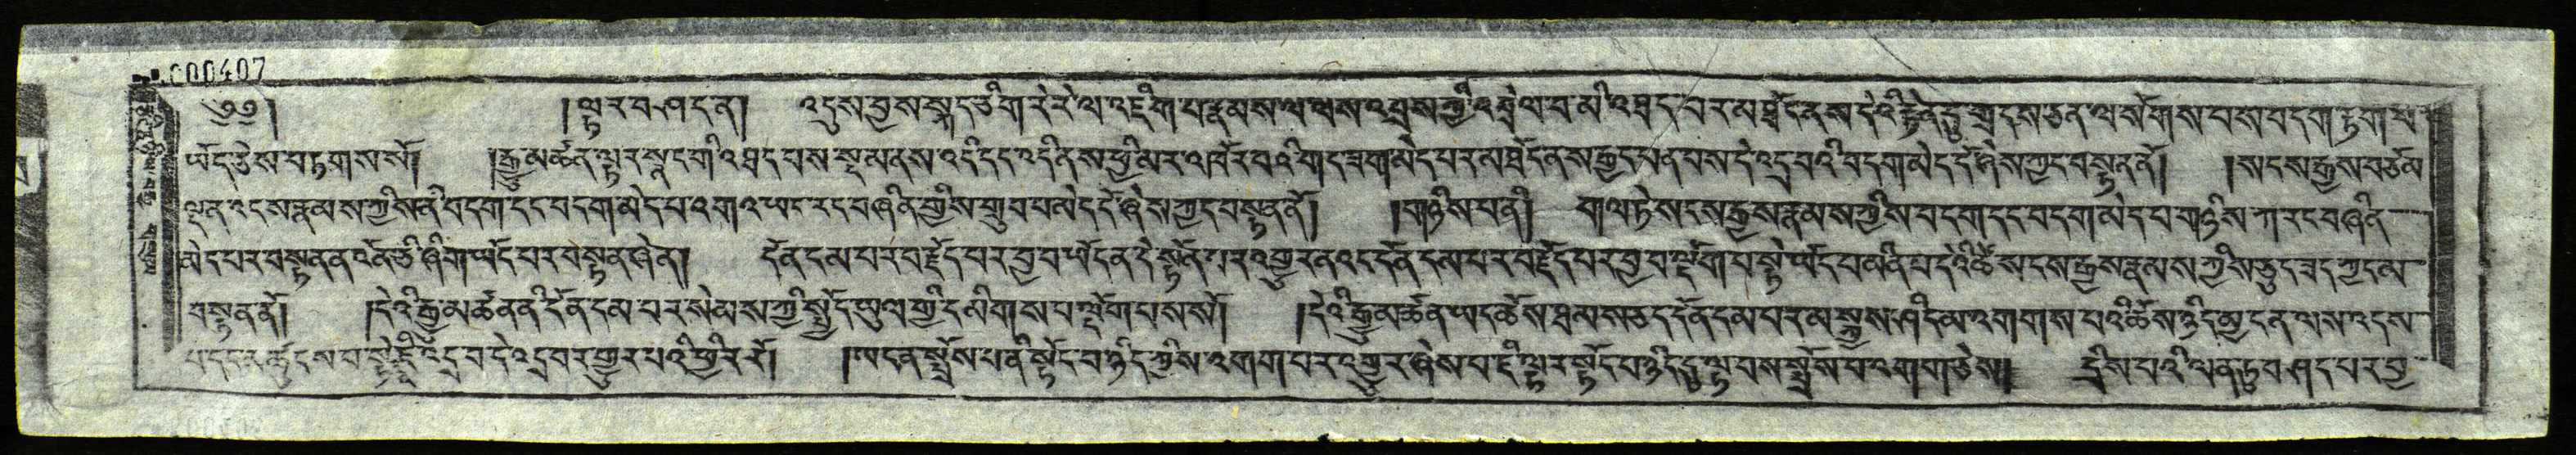༄༅། །ལྟར་བཤད་ན། འདུས་བྱས་སྐད་ཅིག་རེ་རེ་ལ་འཇིག་པ་རྣམས་ལ་ལས་འབྲས་ཀྱི་འབྲེལ་བ་མི་འཐད་པར་མཐོང་ནས་དེའི་རྟེན་དུ་གྲངས་ཅན་ལ་སོགས་པས་བདག་རྟག་པ་
ཡོད་ཅེས་བཏགས་སོ། །རྒྱུ་མཚན་ལྟར་སྣང་གི་འཐད་པས་སྔ་མ་ནས་འདི་དང་འདི་ནས་ཕྱི་མར་འཁོར་བའི་གང་ཟག་མེད་པར་མཐོང་ནས་རྒྱང་པན་པས་དེ་འདྲ་བའི་བདག་མེད་དོ་ཞེས་ཀྱང་བསྟན་ནོ། །སངས་རྒྱས་བཅོམ་
ལྡན་འདས་རྣམས་ཀྱིས་ནི་བདག་དང་བདག་མེད་པ་འགའ་ཡང་རང་བཞིན་གྱིས་གྲུབ་པ་མེད་དོ་ཞེས་ཀྱང་བསྟན་ནོ། །གཉིས་པ་ནི། གལ་ཏེ་སངས་རྒྱས་རྣམས་ཀྱིས་བདག་དང་བདག་མེད་པ་གཉིས་ཀ་རང་བཞིན་
མེད་པར་བསྟན་ན་འོ་ན་ཅི་ཞིག་ཡོད་པར་བསྟན་ཞེ་ན། དོན་དམ་པར་བརྗོད་པར་བྱ་བ་ཡོད་ན་དེ་སྟོན་པར་འགྱུར་ནའང་དོན་དམ་པར་བརྗོད་པར་བྱ་བ་ལྡོག་པ་སྟེ་ཡོད་པ་མིན་པ་དེའི་ཚེ་སངས་རྒྱས་རྣམས་ཀྱིས་ཅུང་ཟད་ཀྱང་མ་
བསྟན་ནོ། །དེའི་རྒྱུ་མཚན་ནི་དོན་དམ་པར་སེམས་ཀྱི་སྤྱོད་ཡུལ་གྱི་དམིགས་པ་ལྡོག་པས་སོ། །དེའི་རྒྱུ་མཚན་ཡང་ཆོས་ཐམས་ཅད་དོན་དམ་པར་མ་སྐྱས་ཤིང་མ་འགགས་པའི་ཆོས་ཉིད་མྱ་ངན་ལས་འདས་
པ་དང་མཚུངས་པ་སྟེང་ཇི་འདྲ་བ་དེ་འདྲ་བར་གྱུར་པའི་ཕྱིར་རོ། །ཡང་ན་སྤྲོས་པ་ནི་སྟོང་པ་ཉིད་ཀྱིས་འགག་པར་འགྱུར་ཞེས་པ་ཇི་ལྟར་སྟོང་པ་ཉིད་དུ་ལྟ་བས་སྤྲོས་པ་འགག་ཅེས། དྲིས་པའི་ལན་ཏུ་བཤད་པར་བྱ་